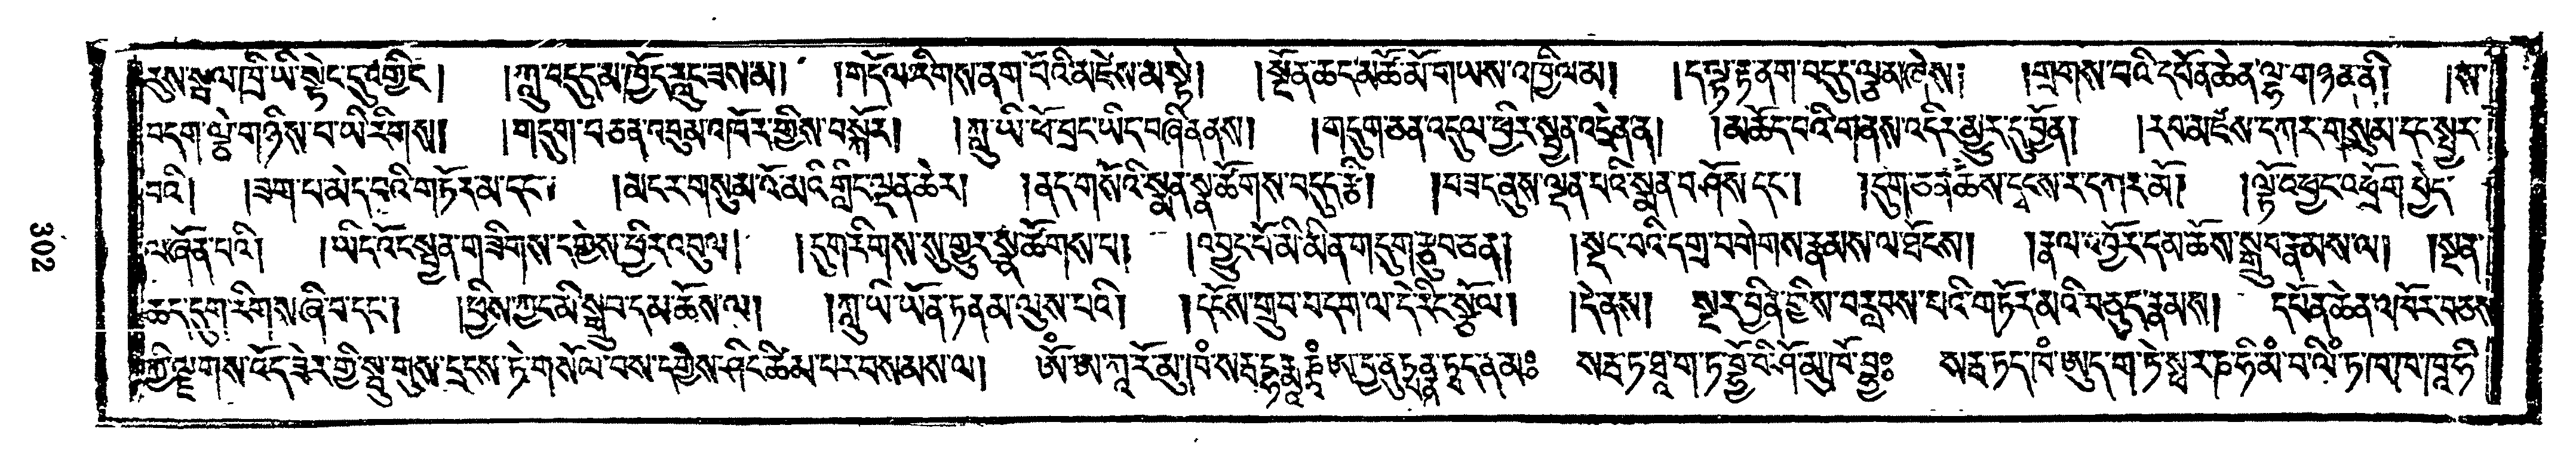རུས་སྦལ་ཁྲི་ཡི་སྟེང་དུ་འགྱིང་། །ཀླུ་བདུད་མ་ཁྱོད་རླུང་ཟས་མ། །གདོལ་རིགས་ནག་པོའི་མཛེས་མ་སྟེ། །སྔོན་ཆད་མཚོ་མོ་གཡས་འཁྱིལ་མ། །ད་ལྟ་རྟ་ནག་བདུད་ལྕམ་ཞེས། །གྲགས་པའི་དཔོན་ཆེན་ལྷ་གཉན་ནི། །ས་
བདག་ལྕེ་གཉིས་པ་ཡི་རིགས། །གདུག་པ་ཅན་འབུམ་འཁོར་གྱིས་བསྐོར། །ཀླུ་ཡི་ཕོ་བྲང་ཡིད་བཞིན་ནས། །གདུག་ཅན་འདུལ་ཕྱིར་སྤྱན་འདྲེན་ན། །མཆོད་པའི་གནས་འདིར་མྱུར་དུ་བྱོན། །རབ་མཛས་དཀར་གསུམ་དང་སྤྱར་
བའི། །ཟག་པ་མེད་པའི་གཏོར་མ་དང་། །མངར་གསུམ་འོ་མའི་གླིང་ལྡན་ཆེར། །ནད་གསོའི་སྨན་སྣ་ཚོགས་བདུད་རྩི། །བཟང་ནུས་ལྡན་པའི་སྨན་བཤོས་དང་། །དུག་ཅན་ཆོས་དྭངས་ར་དཀར་མོ། །ལྟོ་འཕྱང་འཕྲོག་བྱེད་
ལ་ཞོན་པའི། །ཡིད་འོང་སྤྱན་གཟིགས་དགྱེས་ཕྱིར་འབུལ། །དུག་རིགས་སུ་གྱུར་སྣ་ཚོགས་པ། །འབྱུང་པོ་མི་མིན་གདུག་རྩུབ་ཅན། །སྡང་བའི་དགྲ་བགེགས་རྣམས་ལ་ཐོངས། །རྣལ་འབྱོར་དམ་ཆོས་སྒྲུབ་རྣམས་ལ། །སྔན་
ཆད་དུག་རིགས་ཞི་བ་དང་། །ཕྱིས་ཀྱང་མི་སྒྲུབ་དམ་ཆོས་ལ། །ཀླུ་ཡི་ཡོན་ཏན་མ་ལུས་པའི། །དངོས་གྲུབ་པ་དག་ལ་དེ་རིང་སྩོལ། །དེ་ནས། སྔར་བྱིན་གྱིས་བརླབས་པའི་གཏོར་མའི་བཅུད་རྣམས། དཔོན་ཆེན་འཁོར་བཅས་
ཀྱི་ལྗགས་འོད་ཟེར་གྱི་སྤུ་གུས་དྲངས་ཏེ་གསོལ་བས་དགྱེས་ཤིང་ཚིམ་པར་བསམས་ལ། ཨོཾ་ཨ་ཀཱ་རོ་མུ་ཁཾ་སརྦ་དྷརྨཱ་ཎཱཾ་ཨ་དྱ་ནུཏྤནྣ་ཏྭད་ན་མཿསརྦ་ཏ་ཐཱ་ག་ཏ་བྷྱོ་བི་ཤོ་མུ་ཁོ་བྷྱཿ སརྦ་ཏད་ཁཾ་ཨུད་ག་ཏེ་སྥ་ར་ཎ་ཧི་མཾ་བ་ལིཾ་ཏ་ཁ་ཁ་ཁཱ་ཧི་